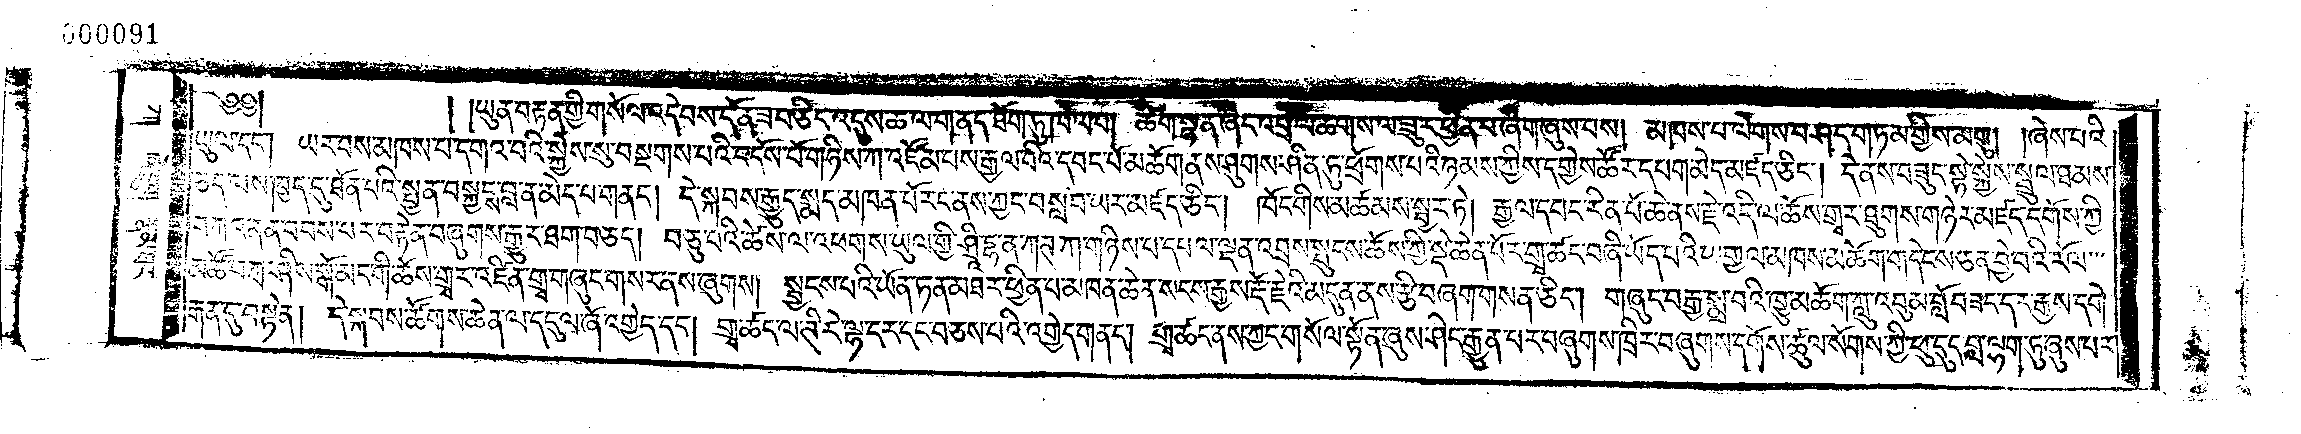༄༅། །ཡུན་བརྟན་གྱི་གསོལ་འདེབས་དོན་ཟབ་ཅིང་འདུས་ཆ་ལ་གནད་ཐོག་ཏུ་ཁེལ་བ། ཚིག་སྙན་ཞིང་འབྲེལ་ཆགས་ལ་ཟུར་ཕྱིན་པ་ཞིག་ཞུས་པས། མཁས་པ་ལེགས་བཤད་གཏམ་གྱིས་མགུ། །ཞེས་པའི་
ཡུལ་དང་། ཡ་རབས་མཁས་པ་དགའ་བའི་སྐྱེས་སུ་བསྔགས་པའི་དངོས་པོ་གཉིས་ཀ་འཛོམ་པས་རྒྱལ་བའི་དབང་པོ་མཆོག་ནས་ཐུགས་ཤིན་ཏུ་ཕྲོགས་པའི་ཉམས་ཀྱིས་དགྱེས་ཚོར་དཔག་མེད་མཛད་ཅིང་། དེ་ནས་བཟུང་སྟེ་སྐྱེས་སྤྲུལ་ཐམས་
ཅད་ལས་ཁྱད་དུ་ཐོན་པའི་སྤྱན་བསྐྱངས་བླ་ན་མེད་པ་གནང་། དེ་སྐབས་རྒྱུད་སྨད་མཁན་པོ་རང་ནས་ཀྱང་བསླབ་ཡར་མཛད་ཅིང་། ཁོང་གིས་མཚམས་སྦྱར་ཏེ། རྒྱལ་དབང་རིན་པོ་ཆེ་ནས་རྗེ་འདི་ལ་ཆོས་གྲྭར་ཐུགས་གཉེར་མཛད་དགོས་ཀྱི་
བཀའ་ནན་བབས་པར་བརྟེན་བཞུགས་རྒྱུར་ཐག་བཅད། བཅུ་པའི་ཚེས་ལ་འཕགས་ཡུལ་གྱི་ཤྲཱི་དྷ་ན་ཀ་ཊ་ཀ་གཉིས་པ་དཔལ་ལྡན་འབྲས་སྤུངས་ཆོས་ཀྱི་སྡེ་ཆེན་པོར་གྲྭ་ཚང་བཞི་ཡོད་པའི་ཡ་གྱལ་མཁས་མཆོག་གདེངས་ཅན་བྱེ་བའི་རོལ་
མཚོ་བཀྲ་ཤིས་སྒོ་མང་གི་ཆོས་གྲྭར་འཛིན་གྲྭ་གཞུང་གསར་ནས་ཞུགས། སྦྱངས་པའི་ཡོན་ཏན་མཐར་ཕྱིན་པ་མཁན་ཆེན་སངས་རྒྱས་རྡོ་རྗེའི་མདུན་ནས་རྩི་བཞག་གསན་ཅིང་། གཞུང་བརྒྱ་སྨྲ་བའི་ཁྱུ་མཆོག་ཀླུ་འབུམ་བློ་བཟང་དར་རྒྱས་དགེ་
རྒན་དུ་བསྟེན། དེ་སྐབས་ཚོགས་ཆེན་ལ་དངུལ་ཞོ་འགྱེད་དང་། གྲྭ་ཚང་ལ་ཊཾ་རེ་ལྷ་དར་དང་བཅས་པའི་འགྱེད་གནང་། གྲྭ་ཚང་ནས་ཀྱང་གསོལ་སྟོན་ཞུས་ཤིང་རྒྱུན་པར་བཞུགས་ཁྲིར་བཞུགས་དགོས་ཚུལ་སོགས་ཀྱི་ཕུ་དུད་བླ་ལྷག་ཏུ་ཞུས་པར་